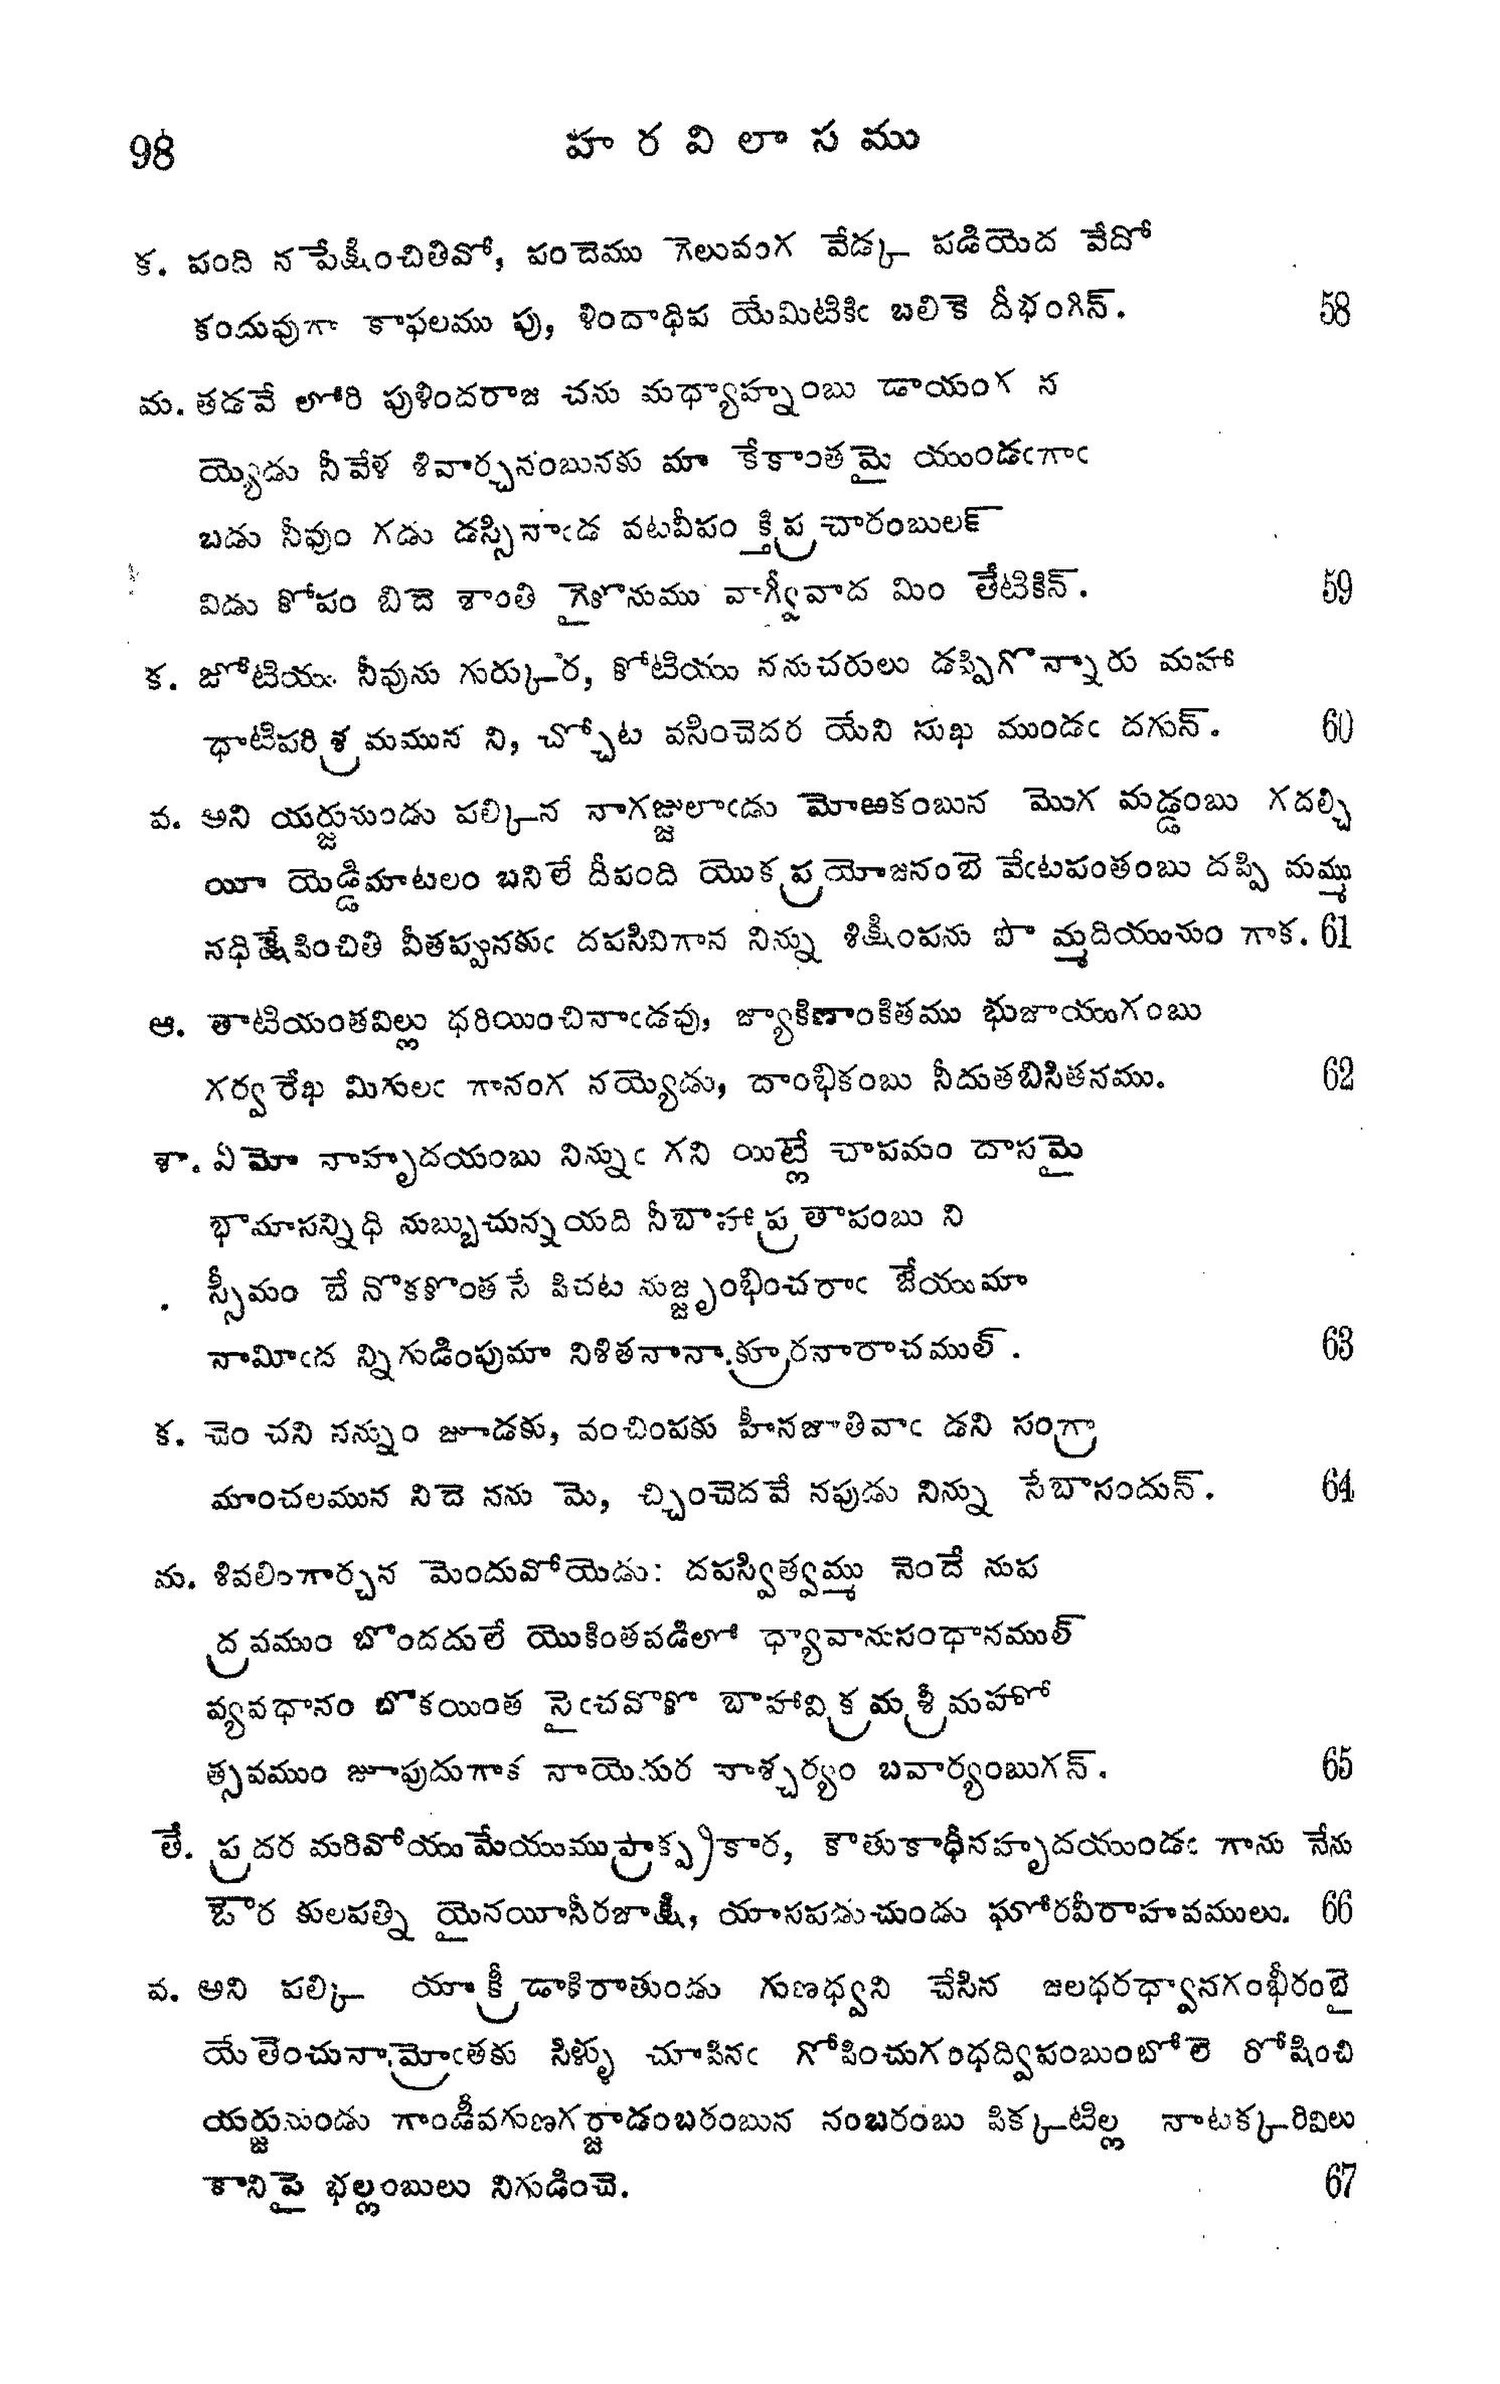క. పంది నపేక్షించితివో, పందెము గెలువంగ వేడ్క పడియెద వేదో
కందువుగా కాఫలము పు, ళిందాధిప యేమిటికిఁ బలికె దీభంగిన్. 58

మ. తడవే లోరి పుళిందరాజ చను మధ్యాహ్నంబు డాయంగ న
య్యెడు నీవేళ శివార్చనంబునకు మా కేకాంతమై యుండఁగాఁ
బడు నీవుం గడు డస్సినాఁడ వటవీపంక్తిప్రచారంబులన్
విడు కోపం బిదె శాంతి గైకొకొనుము వాగ్వీవాద మిం తేటికిన్. 59

క. జోటియు నీవును గుర్కుర, కోటియు ననుచరులు డప్పిగొన్నారు మహా
ధాటిపరిశ్రమమున ని, చ్చోట వసించెదర యేని సుఖ ముండఁ దగున్. 60

వ. అని యర్జునుండు పల్కిన నాగజ్జులాఁడు మోఱకంబున మొగ మడ్డంబు గదల్చి యీ యెడ్డిమాటలం బని లే దీపంది యొకప్రయోజనంబె వేఁటపంతంబు దప్పి మమ్ము నధిక్షేపించితి వీతప్పునకుఁ దపసివిగాన నిన్ను శిక్షింపను పొ మ్మదియునుం గాక. 61

ఆ. తాటియంతవిల్లు ధరియించినాఁడవు, జ్యాకిణాంకితము భుజాయుగంబు
గర్వరేఖ మిగులఁ గానంగ నయ్యెడు, దాంభికంబు నీదుతబిసితనము. 62

శా. ఏమో నాహృదయంబు నిన్నుఁ గని యిట్లే చాపమం దాసమై
భామాసన్నిధి నుబ్బుచున్నయది నీ బాహాప్రతాపంబు ని
స్సీమం బే నొకకొంతసే పిచట నుజ్జృంభించరాఁ జేయుమా
నామీఁద న్నిగుడింపుమా నిశితనానాక్రూరనారాచముల్. 63

క. చెం చని నన్నుం జూడకు, వంచింపకు హీనజాతివాఁ డని సంగ్రా
మాంచలమున నిదె నను మె, చ్చించెదవే నపుడు నిన్ను సేబా సందున్. 64

మ. శివలింగార్చన మెందువోయెడుఁ దపస్విత్వమ్ము నెందే నుప
ద్రవముం బొందదులే యొకింతవడిలో ధ్యానానుసంధానముల్
వ్యవధానం బొకయింత సైఁచవొకొ బాహావిక్రమశ్రీమహో
త్సవముం జూపుదుగాక నాయెదుర నాశ్చర్యం బవార్యంబుగన్. 65

తే. ప్రదర మరివోయు మేయుము ప్రాక్ప్రకార, కౌతుకాధీన హృదయుండఁ గాను నేను
ఔర కులపత్ని యైనయీనీరజాక్షి, యాసపడుచుండు ఘోరవీరాహవములు. 66

వ. అని పల్కి యాక్రీడాకిరాతుండు గుణధ్వని చేసిన జలధరధ్వానగంభీరంబై యేతెంచునామ్రోఁతకు సిళ్ళు చూపినఁ గోపించుగంధద్విపంబుంబోలె రోషించి యర్జునుండు గాండీవగుణగర్జాడంబరంబున నంబరంబు పిక్కటిల్ల నాటక్కరివిలుకానిపై భల్లంబులు నిగుడించె. 67